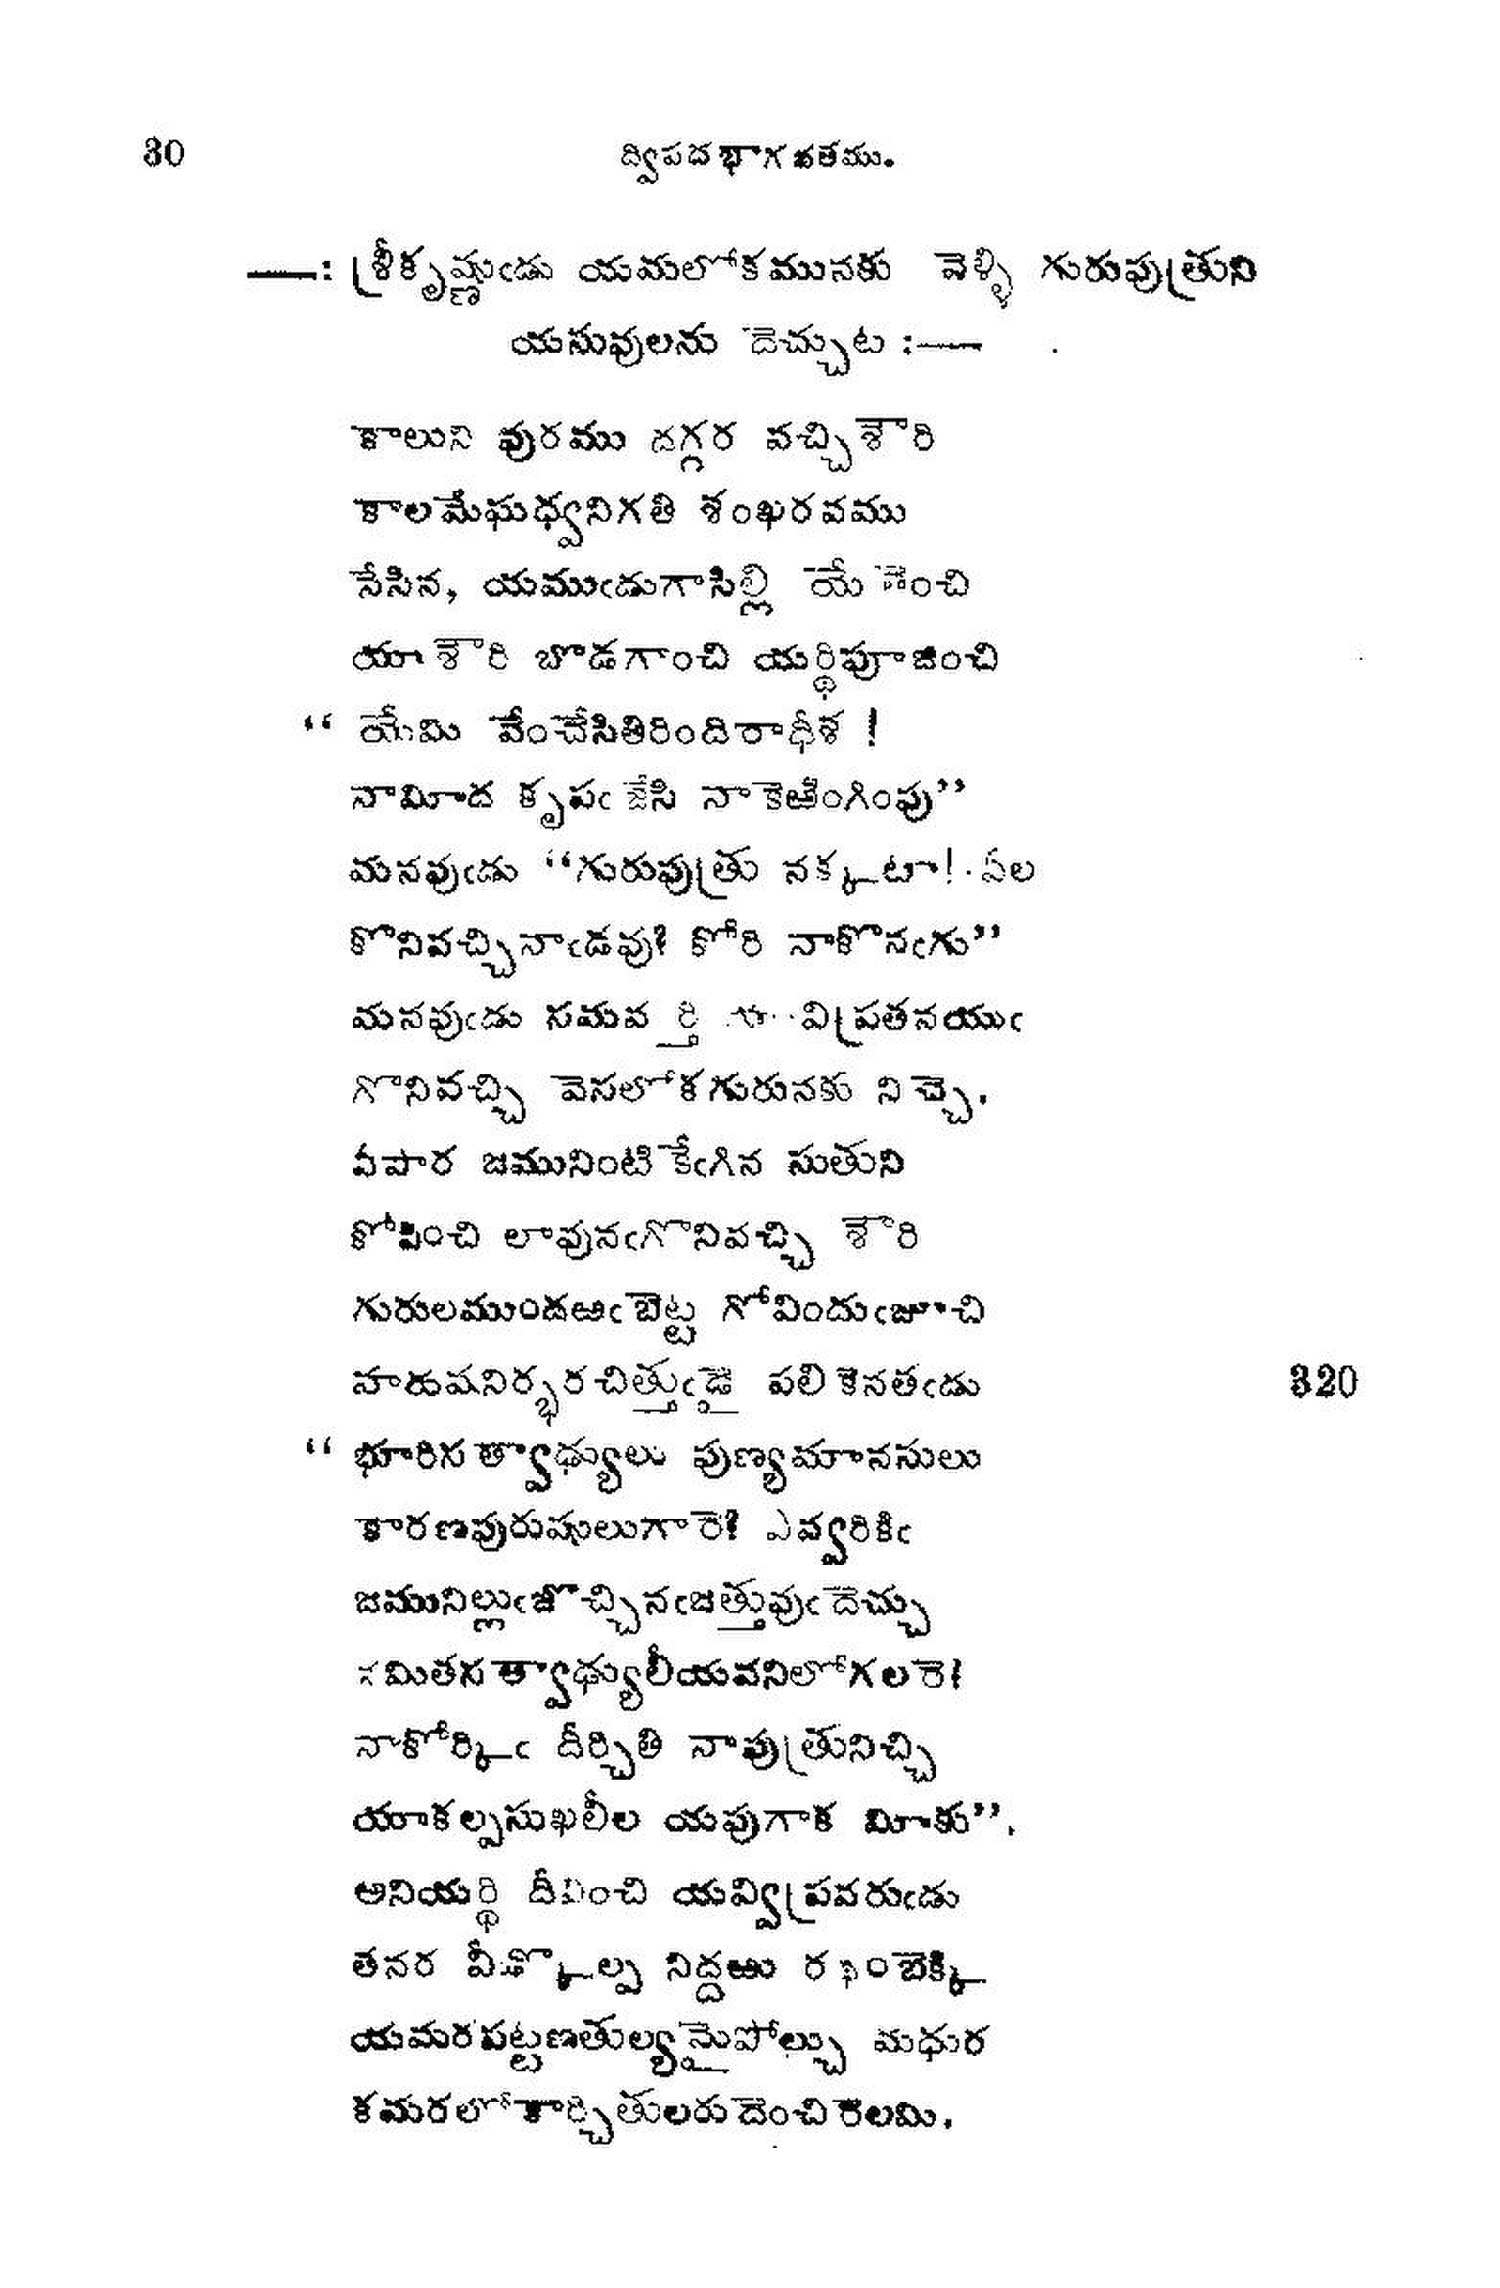కాలుని పురము దగ్గర వచ్చి శౌరి
కాలమేఘధ్వనిగతి శంఖరవము
సేసిన, యముఁడు గాసిల్లి యేతెంచి
యాశౌరి బొడగాంచి యర్థి పూజించి
“యేమి వేంచేసితి రిందిరాధీశ!
నామీద కృపఁ జేసి నా కెఱింగింపు”
మనవుఁడు “గురుపుత్రు నక్కటా! ఏల
కొనివచ్చినాఁడవు? కోరి నాకొసఁగు”
మనవుఁడు సమవర్తియు విప్రతనయుఁ
గొనివచ్చి వెస లోకగురునకు నిచ్చె
ఏపార జమునింటి కేఁగిన సుతుని
కోపించి లావునఁ గొనివచ్చి శౌరి
గురులముందటిఁ బెట్ట గోవిందుఁ జూచి
హరుషనిర్భరచిత్తుఁడై పలికె నతఁడు
“భూరిసత్వాఢ్యులు పుణ్యమానసులు
కారణపురుషులు గారె? ఎవ్వరికి
జమునిల్లుఁజొచ్చినఁజత్తువుఁ దెచ్చు
నమితసత్వాఢ్యు లీయవనిలో గలరె?
నాకోర్కిఁ దీర్చితి నాపుత్రు నిచ్చి
యాకల్పసుఖలీల యవుగాక మీకు”.
అనియర్థి దీవించి యవ్విప్రవరుఁడు
తనర వీడ్కొల్ప నిద్దఱు రథం బెక్కి
యమరపట్టణతుల్యమైపోల్చు మధుర
కమరలోకార్చితు లరుదెంచి రెలమి.